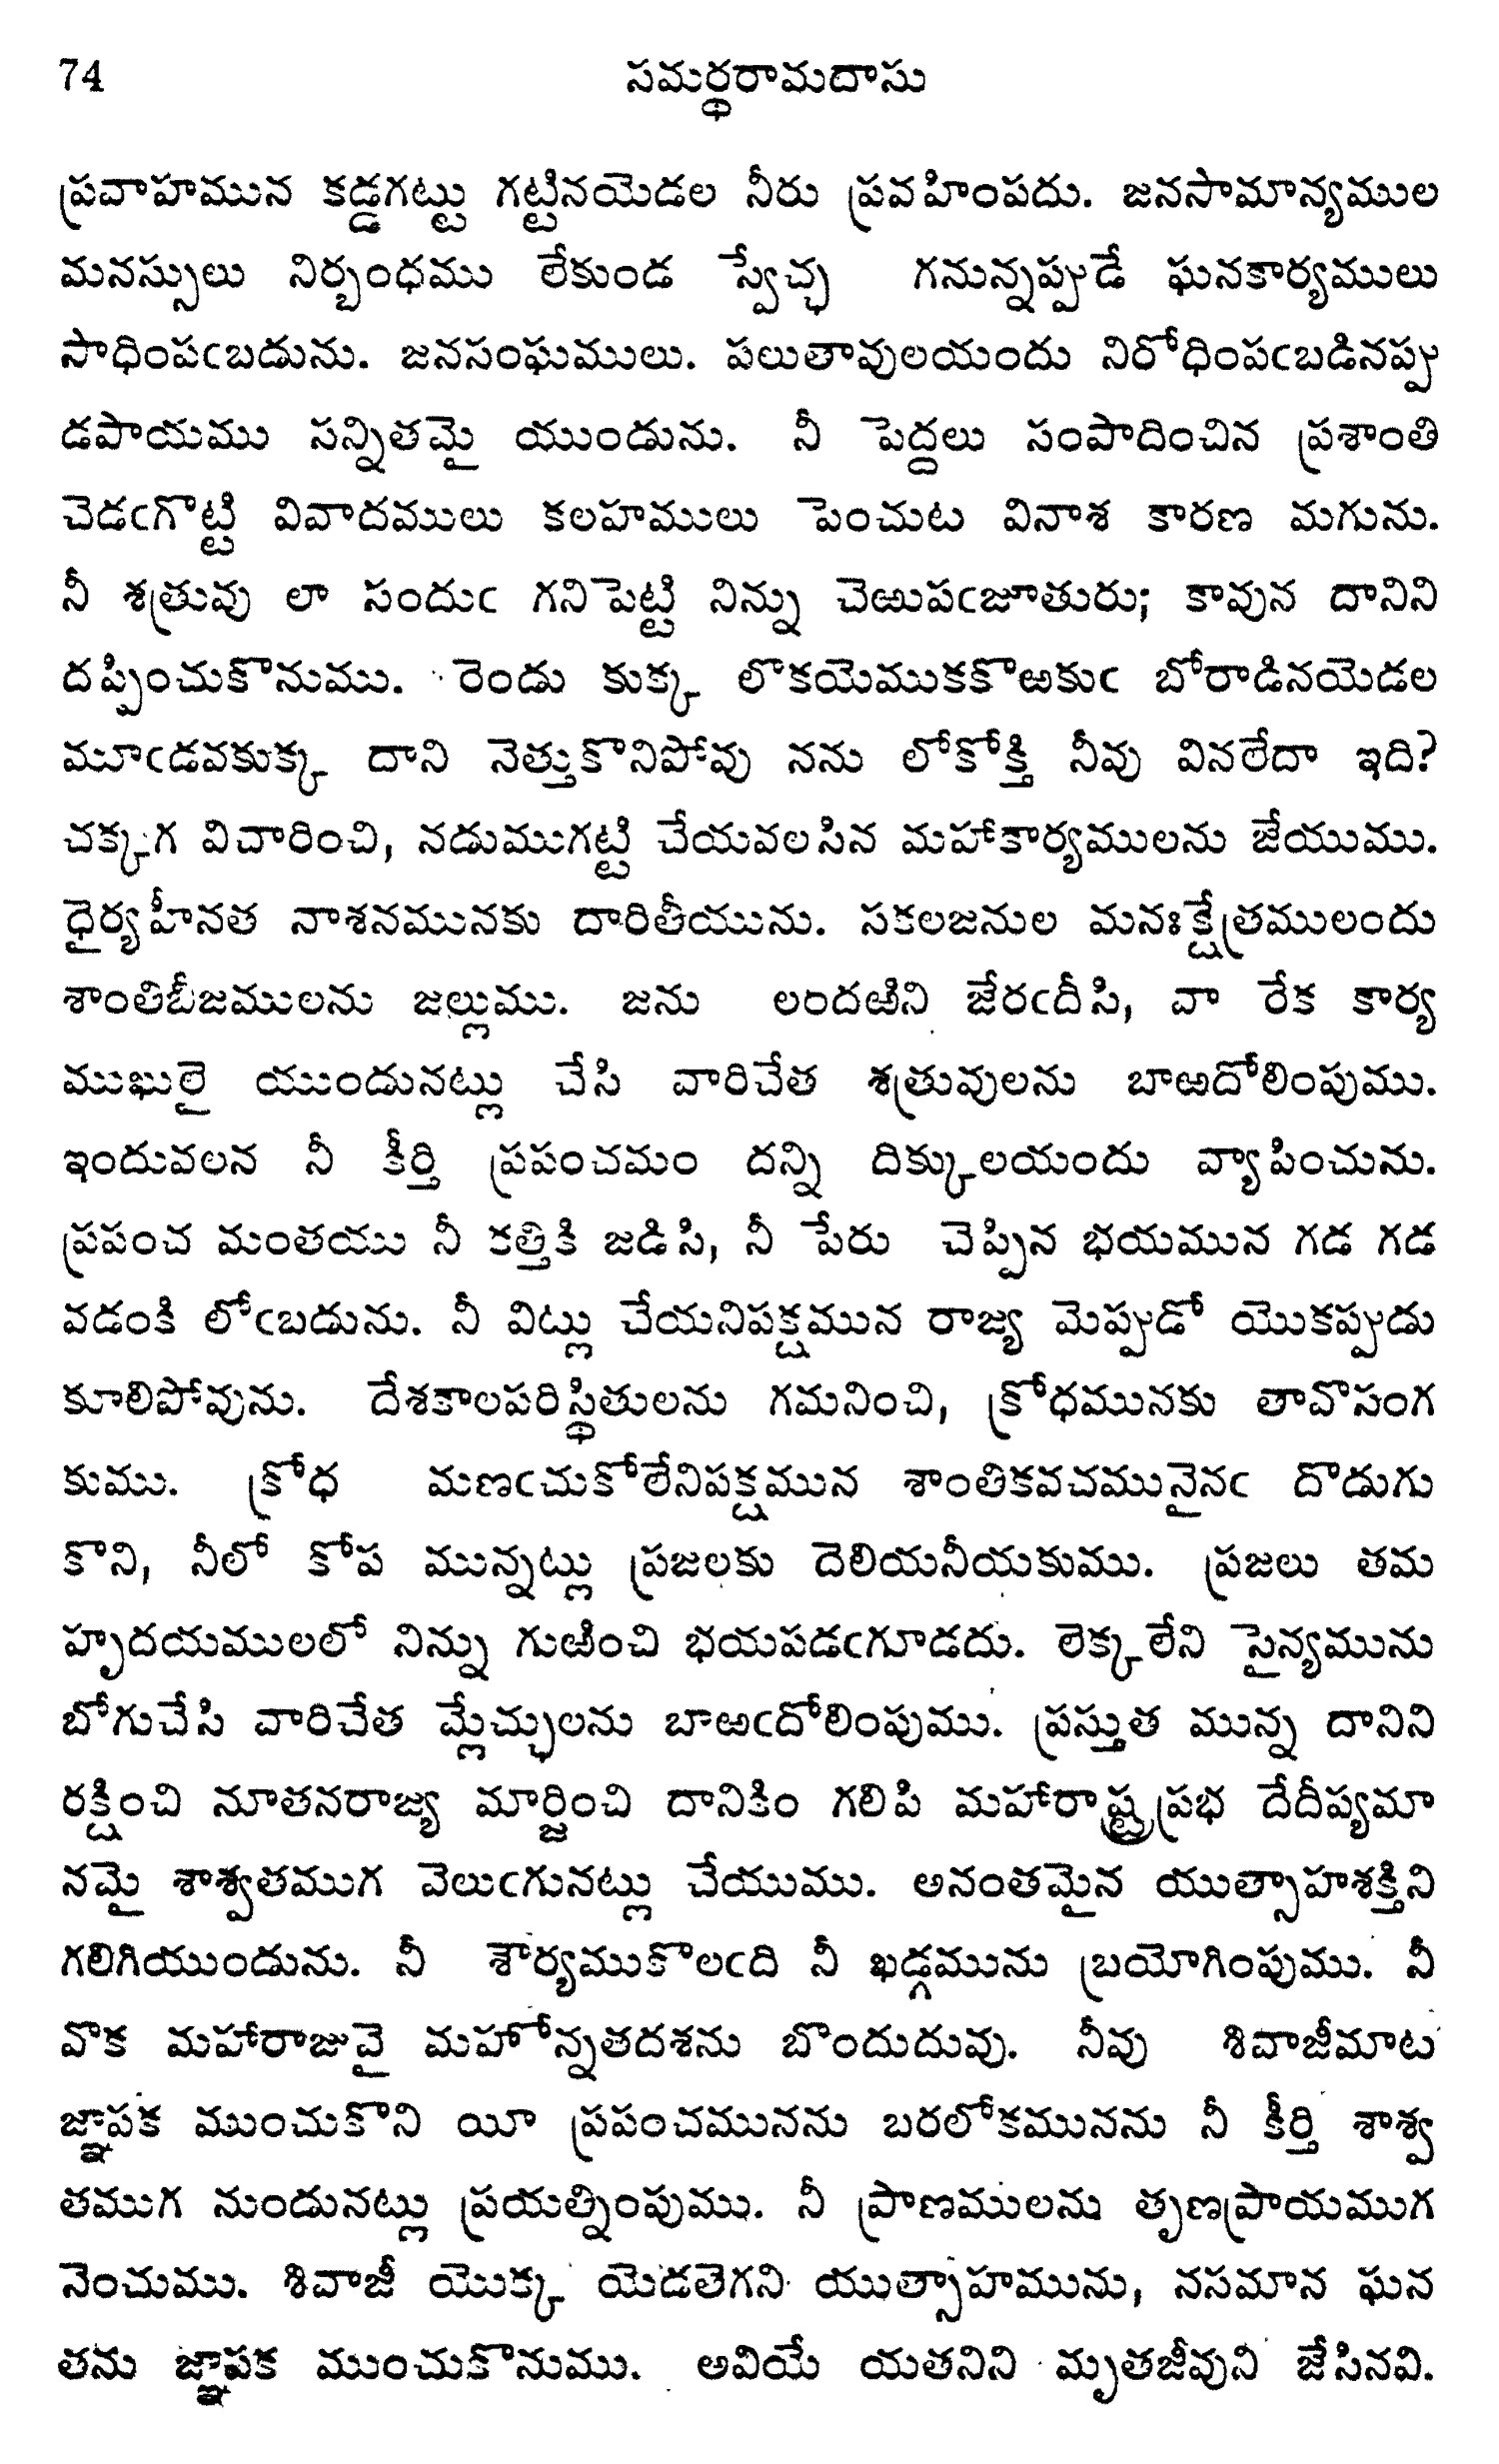ప్రవాహమున కడ్డగట్టు గట్టినయెడల నీరు ప్రవహింపదు. జనసామాన్యముల మనస్సులు నిర్భంధము లేకుండ స్వేచ్ఛ గనున్నప్పుడే ఘనకార్యములు సాధింపబడును. జనసంఘములు, పలుతావులయందు నిరోధింపబడినప్పు డపాయము సన్నితమై యుండును. నీ పెద్దలు సంపాదించిన ప్రశాంతి చెడగొట్టి వివాదములు కలహములు పెంచుట వినాశ కారణ మగును. నీ శత్రువు లా సందు గనిపెట్టి నిన్ను చెఱుపజూతురు; కావున దానిని దప్పించుకొనుము. రెండు కుక్క లొకయెముకకొఱకు బోరాడినయెడల మూడవకుక్క దాని నెత్తుకొనిపోవు నను లోకోక్తి నీవు వినలేదా ఇది? చక్కగ విచారించి, నడుముగట్టి చేయవలసిన మహాకార్యములను జేయుము. ధైర్యహీనత నాశనమునకు దారితీయును. సకలజనుల మన:క్షేత్రములందు శాంతిబీజములను జల్లుము. జను లందఱిని జేరదీసి, వా రేక కార్యముఖులై యుండునట్లు చేసి వారిచేత శత్రువులను బాఱదోలింపుము. ఇందువలన నీ కీర్తి ప్రపంచమం దన్ని దిక్కులయందు వ్యాపించును. ప్రపంచ మంతయు నీ కత్తికి జడిసి, నీ పేరు చెప్పిన భయమున గడగడ వడంకి లోబడును. నీ విట్లు చేయని పక్షమున రాజ్య మెప్పుడో యొకప్పుడు కూలిపోవును. దేశకాలపరిస్థితులను గమనించి, క్రోధమునకు తావొసంగకుము. క్రోధ మణచుకోలేనిపక్షమున శాంతికవచనమునైన దొడుగుకొని, నీలో కోప మున్నట్లు ప్రజలకు దెలియనీయకుము. ప్రజలు తమ హృదయములలో నిన్ను గుఱించి భయపడగూడదు. లెక్కలేని సైన్యమును బోగుచేసి వారిచేత మ్లేచ్ఛులను బాఱదోలింపుము. ప్రస్తుత మున్న దానిని రక్షించి నూతనరాజ్య మార్జించి దానికిం గలిపి మహారాష్ట్రప్రభ దేదీప్యమానమై శాశ్వతముగ వెలుగునట్లు చేయుము. అనంతమైన యుత్సాహశక్తిని గలిగియుండును. నీ శౌర్యముకొలది నీ ఖడ్గమును బ్రయోగింపుము. నీ వొక మహారాజువై మహోన్నతదశను బొందుదువు. నీవు శివాజీమాట జ్ఞాపక ముంచుకొని యీ ప్రపంచమునను బరలోకమునను నీ కీర్తి శాశ్వతముగ నుండునట్లు ప్రయత్నింపుము. నీ ప్రాణములను తృణప్రాయముగ నెంచుము. శివాజీ యొక్క యెడతెగని యుత్సాహమును, నసమాన ఘనతను జ్ఞాపక ముంచుకొనుము. అవియే యతనిని మృతజీవుని జేసినవి.